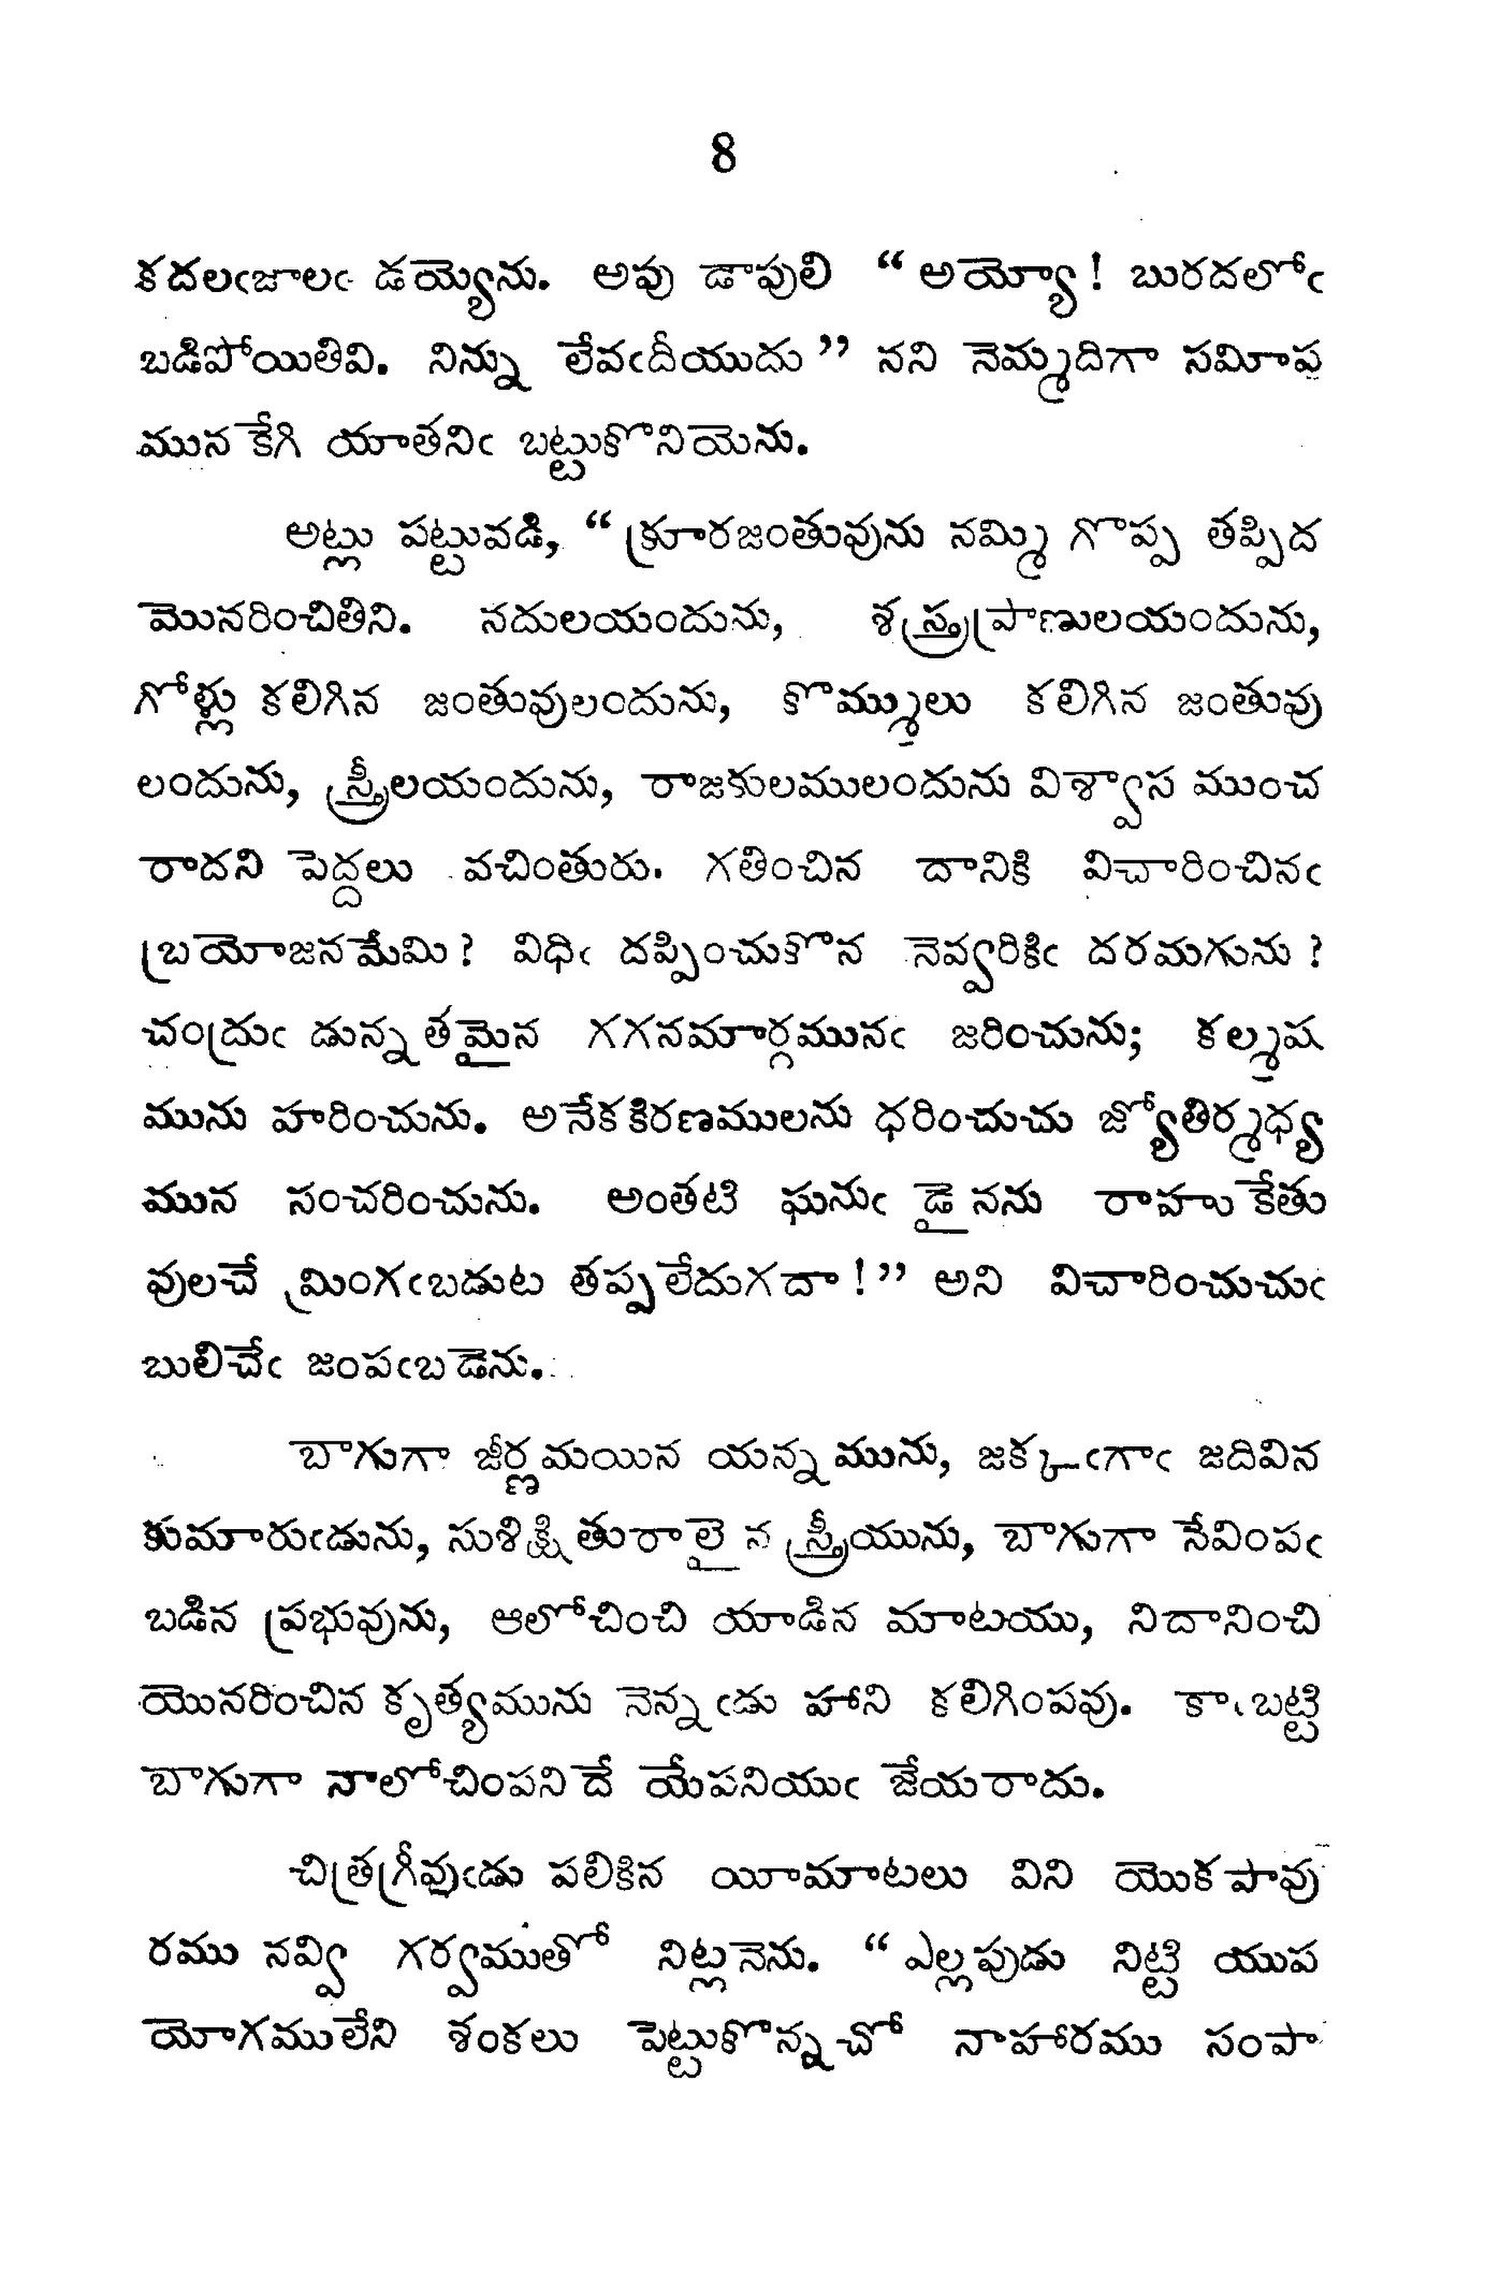కదలజాల డయ్యెను. అపు డాపులి "అయ్యో! బురదలో బడిపోయితివి. నిన్ను లేవదీయుదు" నని నెమ్మదిగా సమీపమున కేగి యాతని బట్టుకొనియెను. 

అట్లు పట్టువడి, "క్రూరజంతువును నమ్మి గొప్ప తప్పిద మొనరించితిని. నదులయందును, శస్త్రప్రాణులయందును, గోళ్లు కలిగిన జంతువులందును, కొమ్ములు కలిగిన జంతువులందును, స్త్రీలయందును, రాజకులములందును విశ్వాస ముంచరాదని పెద్దలు వచింతురు. గతించిన దానికి విచారించిన బ్రయోజనమేమి? విధి దప్పించుకొన నెవ్వరికి దరమగును? చంద్రు డున్నతమైన గగనమార్గమున జరించును; కల్మషమును హరించును. అనేకకిరణములను ధరించుచు జ్యోతిర్మధ్యమున సంచరించును. అంతటి ఘను డైనను రాహు కేతువులచే మ్రింగ బడుట తప్పలేదుగదా!" అని విచారించుచు బులిచే జంపబడెను. 

బాగుగా జీర్ణమయిన యన్నమును, జక్కగా జదివిన కుమారుడును, సుశిక్షితురాలైన స్త్రీయును, బాగుగా సేవింప బడిన ప్రభువును, ఆలోచించి యాడిన మాటయు, నిదానించి యొనరించిన కృత్యమును నెన్నడు హాని కలిగింపవు. కాబట్టి బాగుగా నాలోచింపనిదే యేపనియు జేయరాదు. 

చిత్రగ్రీవుడు పలికిన యీమాటలు విని యొక పావురము నవ్వి గర్వముతో నిట్లనెను. "ఎల్లపుడు నిట్టి యుపయోగములేని శంకలు పెట్టుకొన్నచో నాహారము సంపా